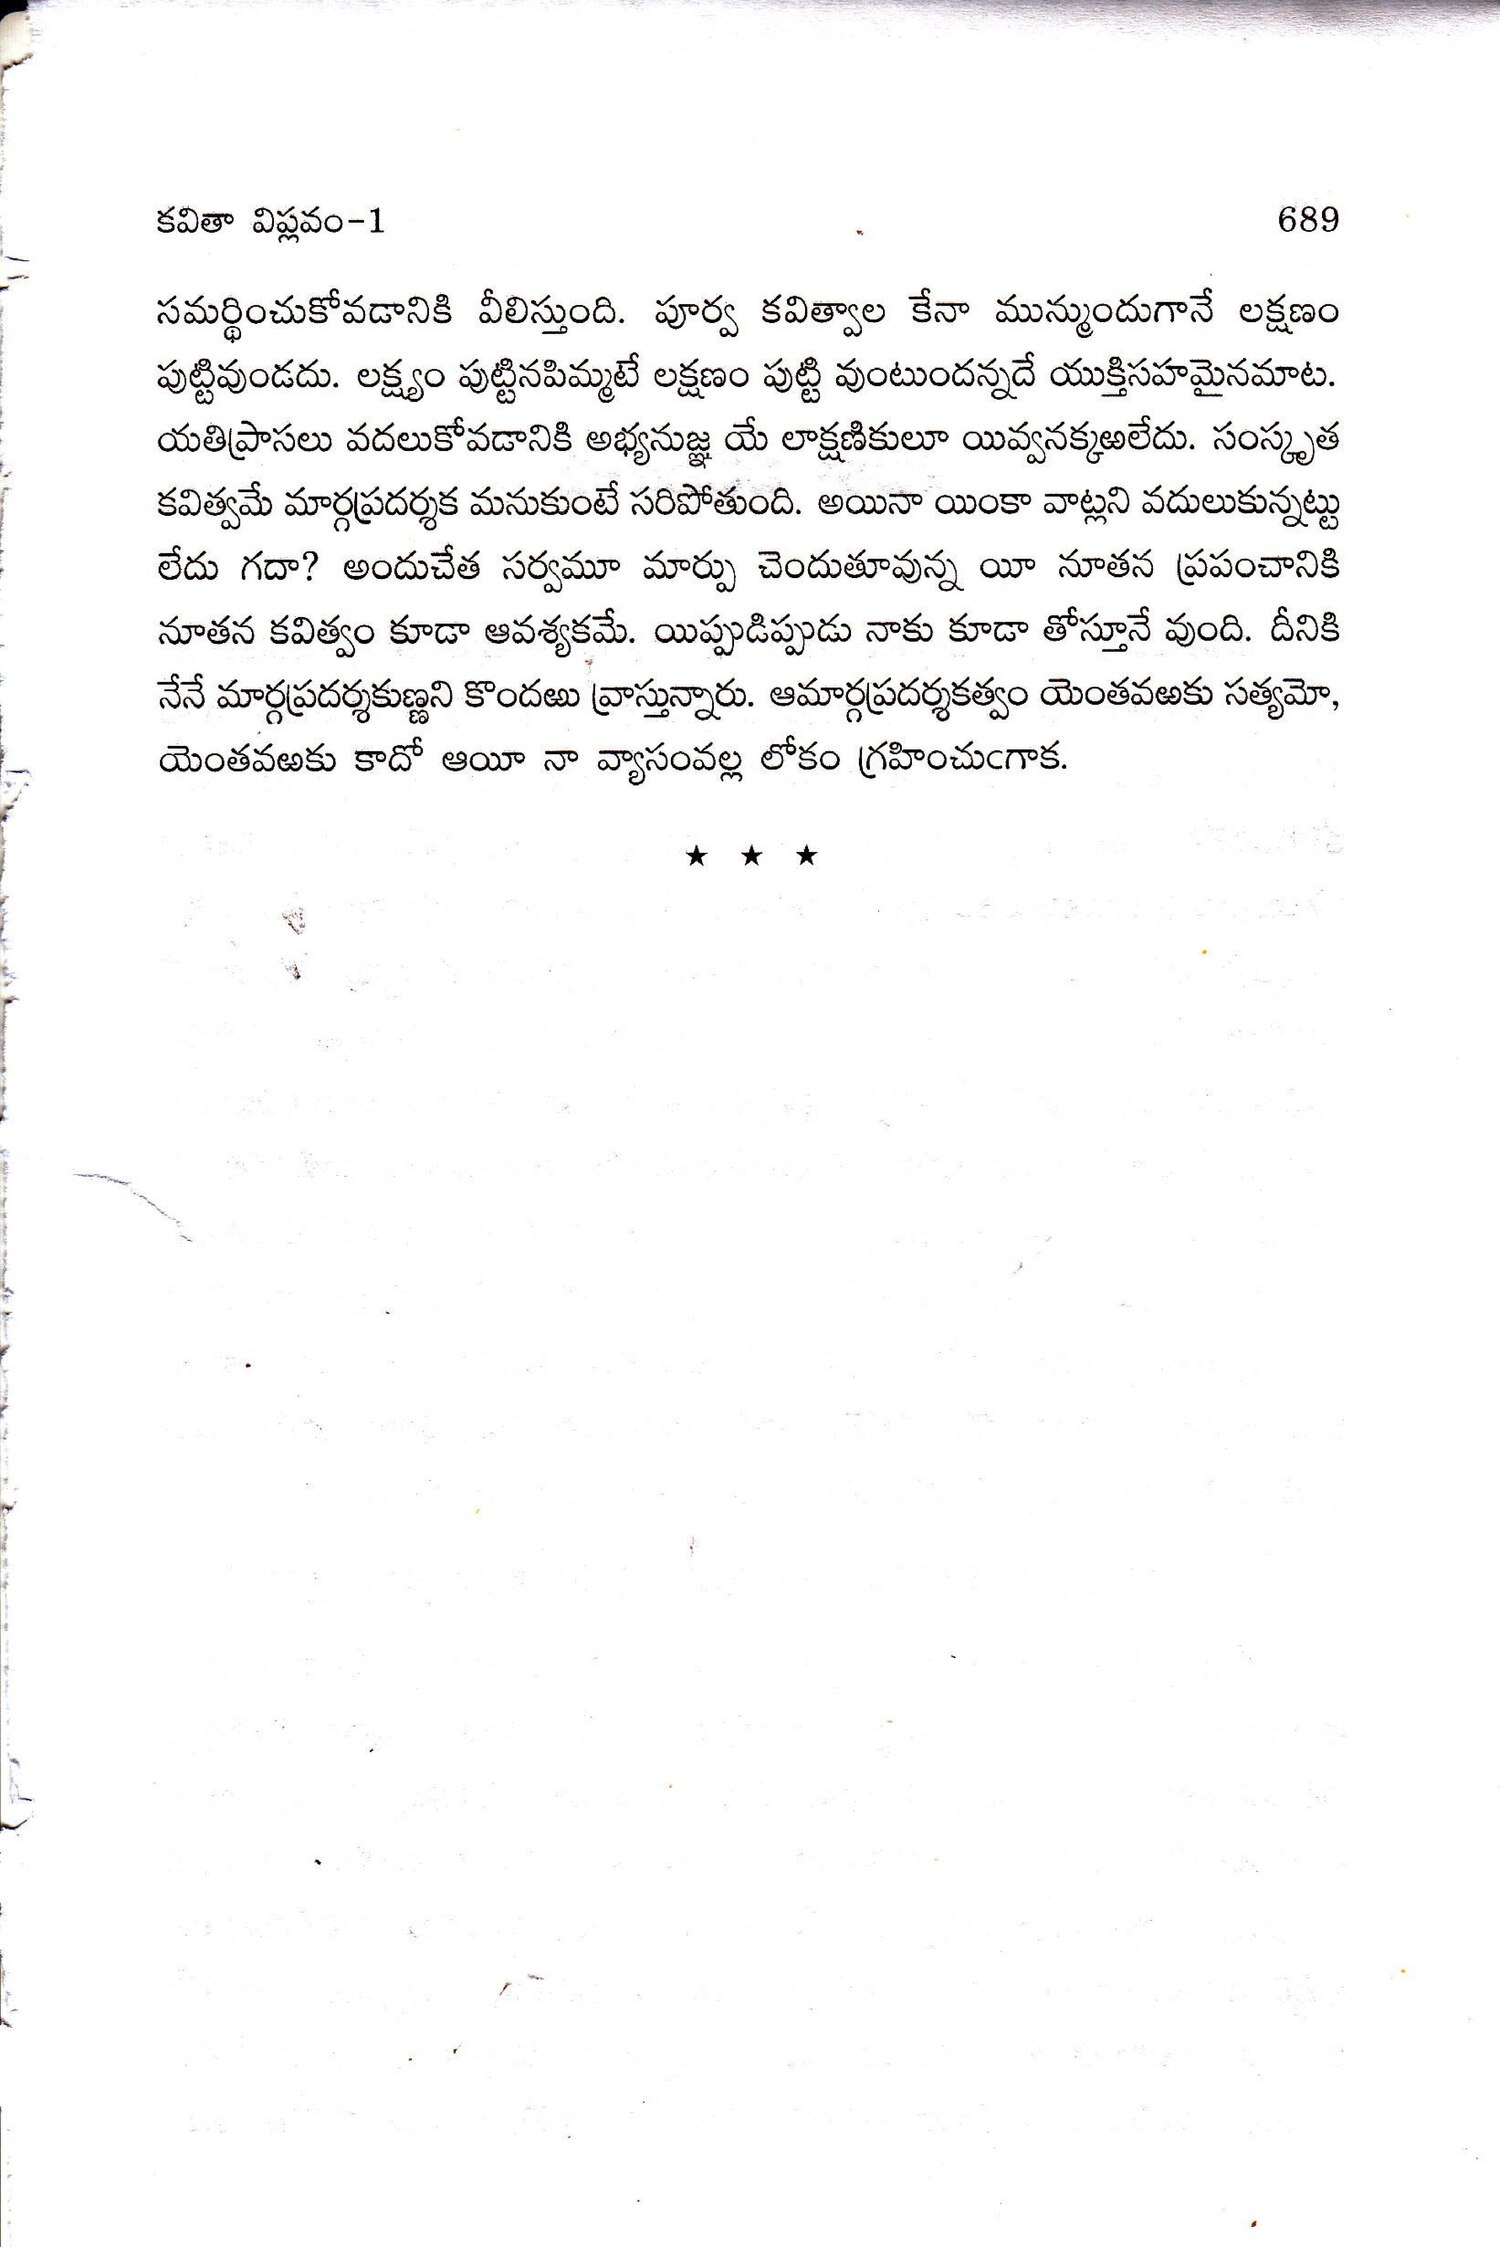సమర్థించుకోవడానికి వీలిస్తుంది. పూర్వ కవిత్వాల కేనా మున్ముందుగానే లక్షణం పుట్టివుండదు. లక్ష్యం పుట్టినపిమ్మటే లక్షణం పుట్టి వుంటుందన్నదే యుక్తిసహమైనమాట. యతిప్రాసలు వదలుకోవడానికి అభ్యనుజ్ఞ యే లాక్షణికులూ యివ్వనక్కఱలేదు. సంస్కృత కవిత్వమే మార్గప్రదర్శక మనుకుంటే సరిపోతుంది. అయినా యింకా వాట్లని వదులుకున్నట్టు లేదు గదా? అందుచేత సర్వమూ మార్పు చెందుతూవున్న యీ నూతన ప్రపంచానికి నూతన కవిత్వం కూడా ఆవశ్యకమే. యిప్పుడిప్పుడు నాకు కూడా తోస్తూనే వుంది. దీనికి నేనే మార్గప్రదర్శకుణ్ణని కొందఱు వ్రాస్తున్నారు. ఆమార్గప్రదర్శకత్వం యెంతవఱకు సత్యమో, యెంతవఱకు కాదో ఆయీ నా వ్యాసంవల్ల లోకం గ్రహించుఁగాక.